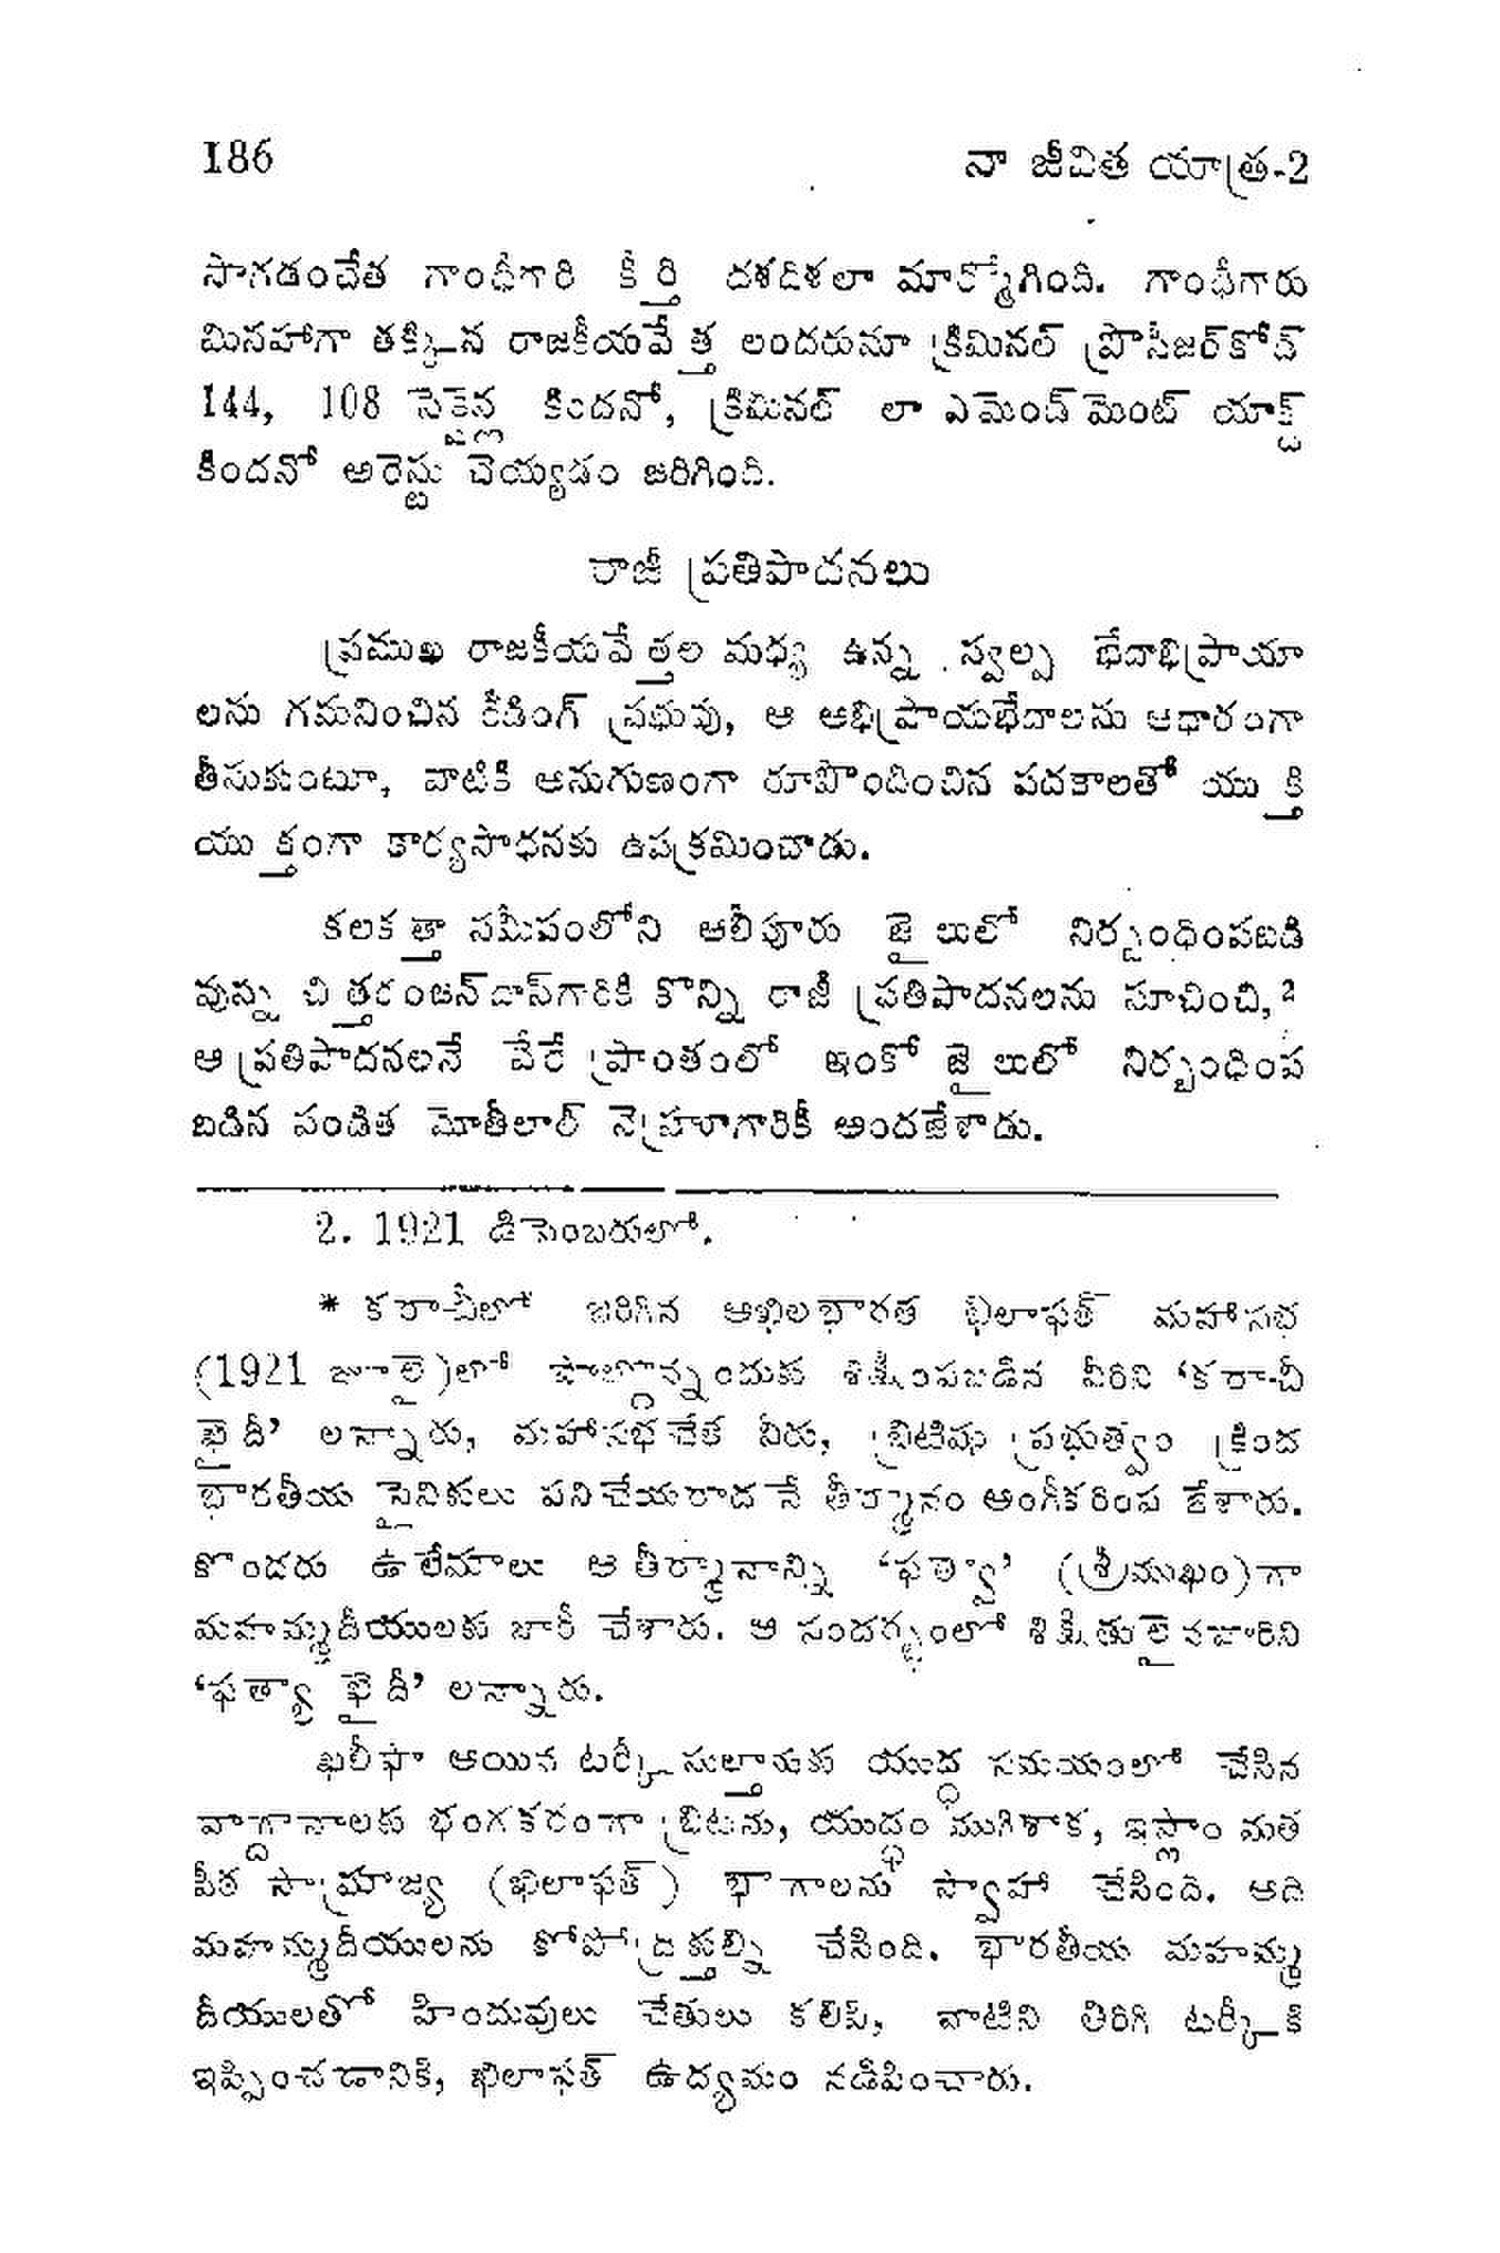సాగడంచేత గాంధీగారి కీర్తి దశదిశలా మార్మోగింది. గాంధీగారు మినహాగా తక్కిన రాజకీయవేత్త లందరునూ క్రిమినల్ ప్రొసీజర్‌కోడ్ 144, 108 సెక్షెన్ల కిందనో, క్రిమినల్ లా ఎమెండ్ మెంట్ యాక్ట్ కిందనో అరెస్టు చెయ్యడం జరిగింది.

ప్రముఖ రాజకీయవేత్తల మధ్య ఉన్న స్వల్ప భేదాభిప్రాయాలను గమనించిన రీడింగ్ ప్రభువు, ఆ అభిప్రాయభేదాలను ఆధారంగా తీసుకుంటూ, వాటికి అనుగుణంగా రూపొందించిన పదకాలతో యుక్తి యుక్తంగా కార్యసాధనకు ఉపక్రమించాడు.

కలకత్తా సమీపంలో అలీపూరు జైలులో నిర్బంధింపబడి వున్న చిత్తరంజన్ దాస్‌గారికి కొన్ని రాజీ ప్రతిపాదనలను సూచించి, ఆప్రతిపాదనలనే వేరే ప్రాంతంలో ఇంకో జైలులో నిర్బంధింప బడిన పండిత మోతీలాల్ నెహ్రూగారికి అందజేశాడు.